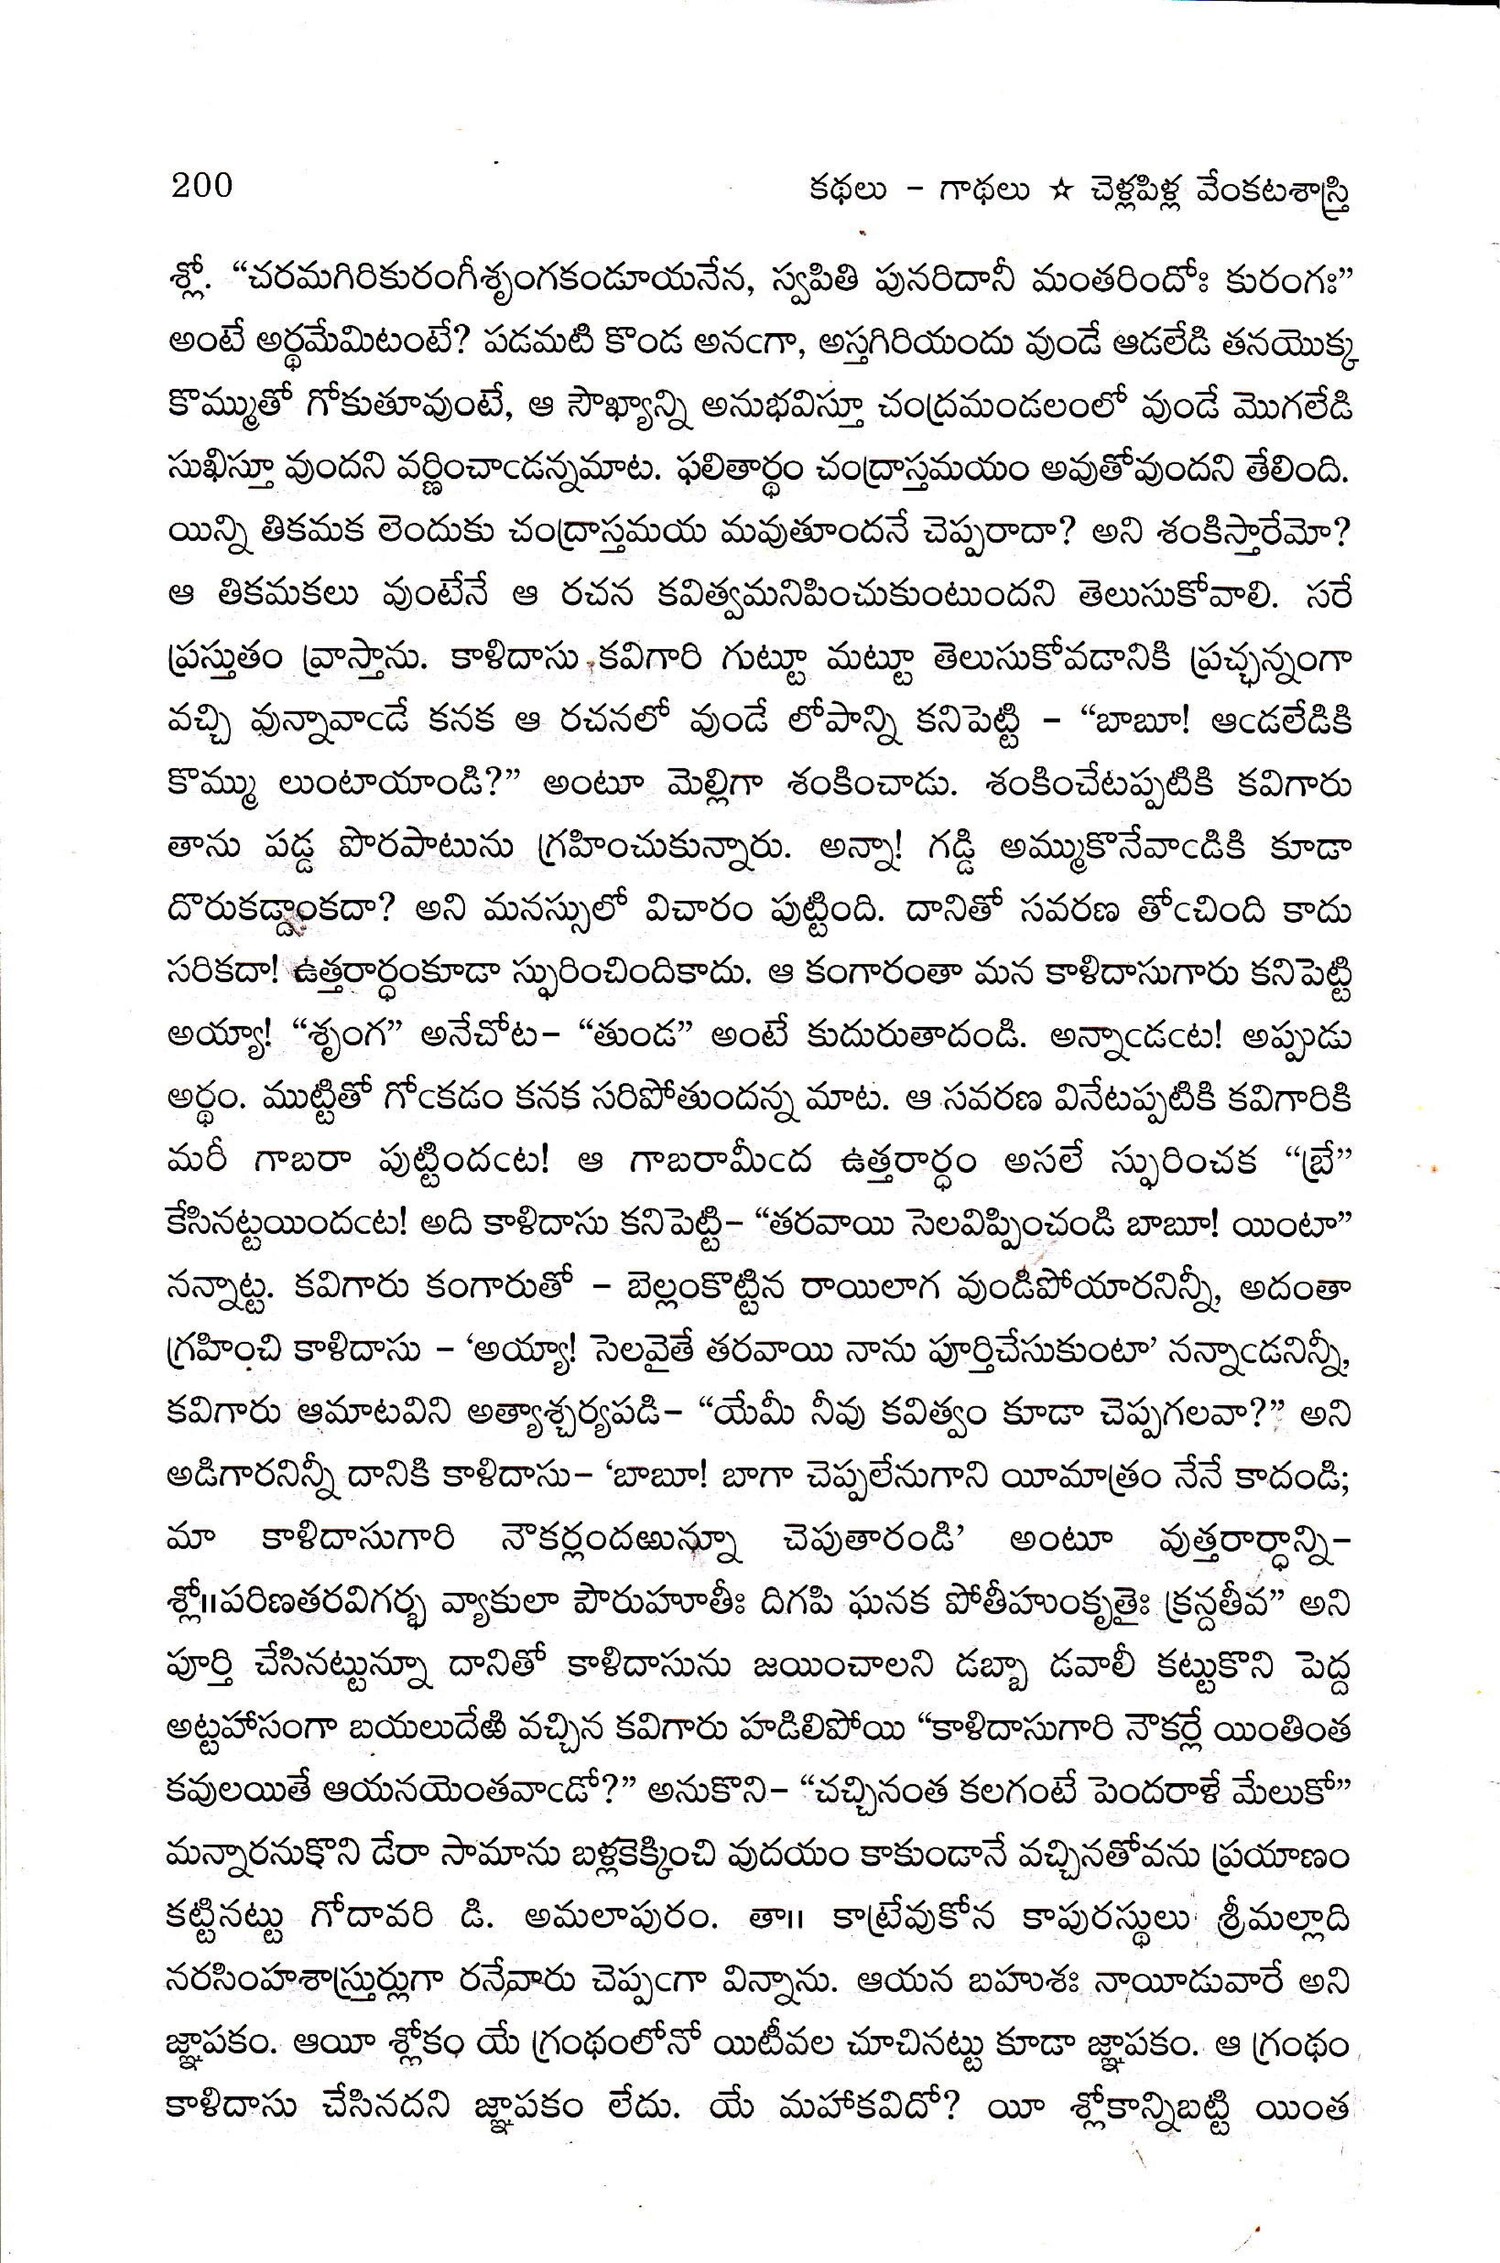శ్లో. “చరమగిరికురంగీశృంగకండూయనేన, స్వపితి పునరిదానీ మంతరిందోః కురంగః" అంటే అర్థమేమిటంటే? పడమటి కొండ అనఁగా, అస్తగిరియందు వుండే ఆడలేడి తనయొక్క కొమ్ముతో గోకుతూవుంటే, ఆ సౌఖ్యాన్ని అనుభవిస్తూ చంద్రమండలంలో వుండే మొగలేడి సుఖిస్తూ వుందని వర్ణించాఁడన్నమాట. ఫలితార్థం చంద్రాస్తమయం అవుతోవుందని తేలింది. యిన్ని తికమక లెందుకు చంద్రాస్తమయ మవుతూందనే చెప్పరాదా? అని శంకిస్తారేమో? ఆ తికమకలు వుంటేనే ఆ రచన కవిత్వమనిపించుకుంటుందని తెలుసుకోవాలి. సరే ప్రస్తుతం వ్రాస్తాను. కాళిదాసు కవిగారి గుట్టూ మట్టూ తెలుసుకోవడానికి ప్రచ్ఛన్నంగా వచ్చి వున్నావాఁడే కనక ఆ రచనలో వుండే లోపాన్ని కనిపెట్టి - "బాబూ! ఆఁడలేడికి కొమ్ము లుంటాయాండి?" అంటూ మెల్లిగా శంకించాడు. శంకించేటప్పటికి కవిగారు తాను పడ్డ పొరపాటును గ్రహించుకున్నారు. అన్నా గడ్డి అమ్మకొనేవాఁడికి కూడా దొరుకడ్డాంకదా? అని మనస్సులో విచారం పుట్టింది. దానితో సవరణ తోఁచింది కాదు సరికదా! ఉత్తరార్థంకూడా స్ఫురించిందికాదు. ఆ కంగారంతా మన కాళిదాసుగారు కనిపెట్టి అయ్యా! "శృంగ" అనేచోట- “తుండ" అంటే కుదురుతాదండి. అన్నాఁడఁట! అప్పుడు అర్థం. ముట్టితో గోఁకడం కనక సరిపోతుందన్నమాట. ఆ సవరణ వినేటప్పటికి కవిగారికి మరీ గాబరా పుట్టిందఁట! ఆ గాబరామీఁద ఉత్తరార్ధం అసలే స్ఫురించక "బ్రే" కేసినట్టయిందఁట! అది కాళిదాసు కనిపెట్టి- “తరవాయి సెలవిప్పించండి బాబూ! యింటా” నన్నాట్ట. కవిగారు కంగారుతో - బెల్లంకొట్టిన రాయిలాగ వుండిపోయారనిన్నీ అదంతా గ్రహించి కాళిదాసు - 'అయ్యా! సెలవైతే తరవాయి నాను పూర్తిచేసుకుంటా’ నన్నాఁడనిన్నీ కవిగారు ఆమాటవిని అత్యాశ్చర్యపడి– “యేమీ నీవు కవిత్వం కూడా చెప్పగలవా?" అని అడిగారనిన్నీ దానికి కాళిదాసు- ‘బాబూ! బాగా చెప్పలేనుగాని యీమాత్రం నేనే కాదండి; మా కాళిదాసుగారి నౌకర్లందఱున్నూ చెపుతారండి' అంటూ వుత్తరార్ధాన్ని శ్||లో పరిణతరవిగర్భ వ్యాకులా పౌరుహూతీః దిగపి ఘనక పోతీహుంకృతైః క్రన్దతీవ" అని పూర్తి చేసినట్టున్నూ దానితో కాళిదాసును జయించాలని డబ్బా డవాలీ కట్టుకొని పెద్ద అట్టహాసంగా బయలుదేఱి వచ్చిన కవిగారు హడిలిపోయి 'కాళిదాసుగారి నౌకర్లే యింతింత కవులయితే ఆయనయెంతవాఁడో?" అనుకొని- “చచ్చినంత కలగంటే పెందరాళ్లే మేలుకో" మన్నారనుకొని డేరా సామాను బళ్లకెక్కించి వుదయం కాకుండానే వచ్చినతోవను ప్రయాణం కట్టినట్టు గోదావరి డి. అమలాపురం, తాII కాట్రేవుకోన కాపురస్థులు శ్రీమల్లాది నరసింహశాస్త్రుర్లుగా రనేవారు చెప్పఁగా విన్నాను. ఆయన బహుశః నాయీడువారే అని జ్ఞాపకం. ఆయీ శ్లోకం యే గ్రంథంలోనో యిటీవల చూచినట్టు కూడా జ్ఞాపకం. ఆ గ్రంథం కాళిదాసు చేసినదని జ్ఞాపకం లేదు. యే మహాకవిదో? యీ శ్లోకాన్నిబట్టి యింత